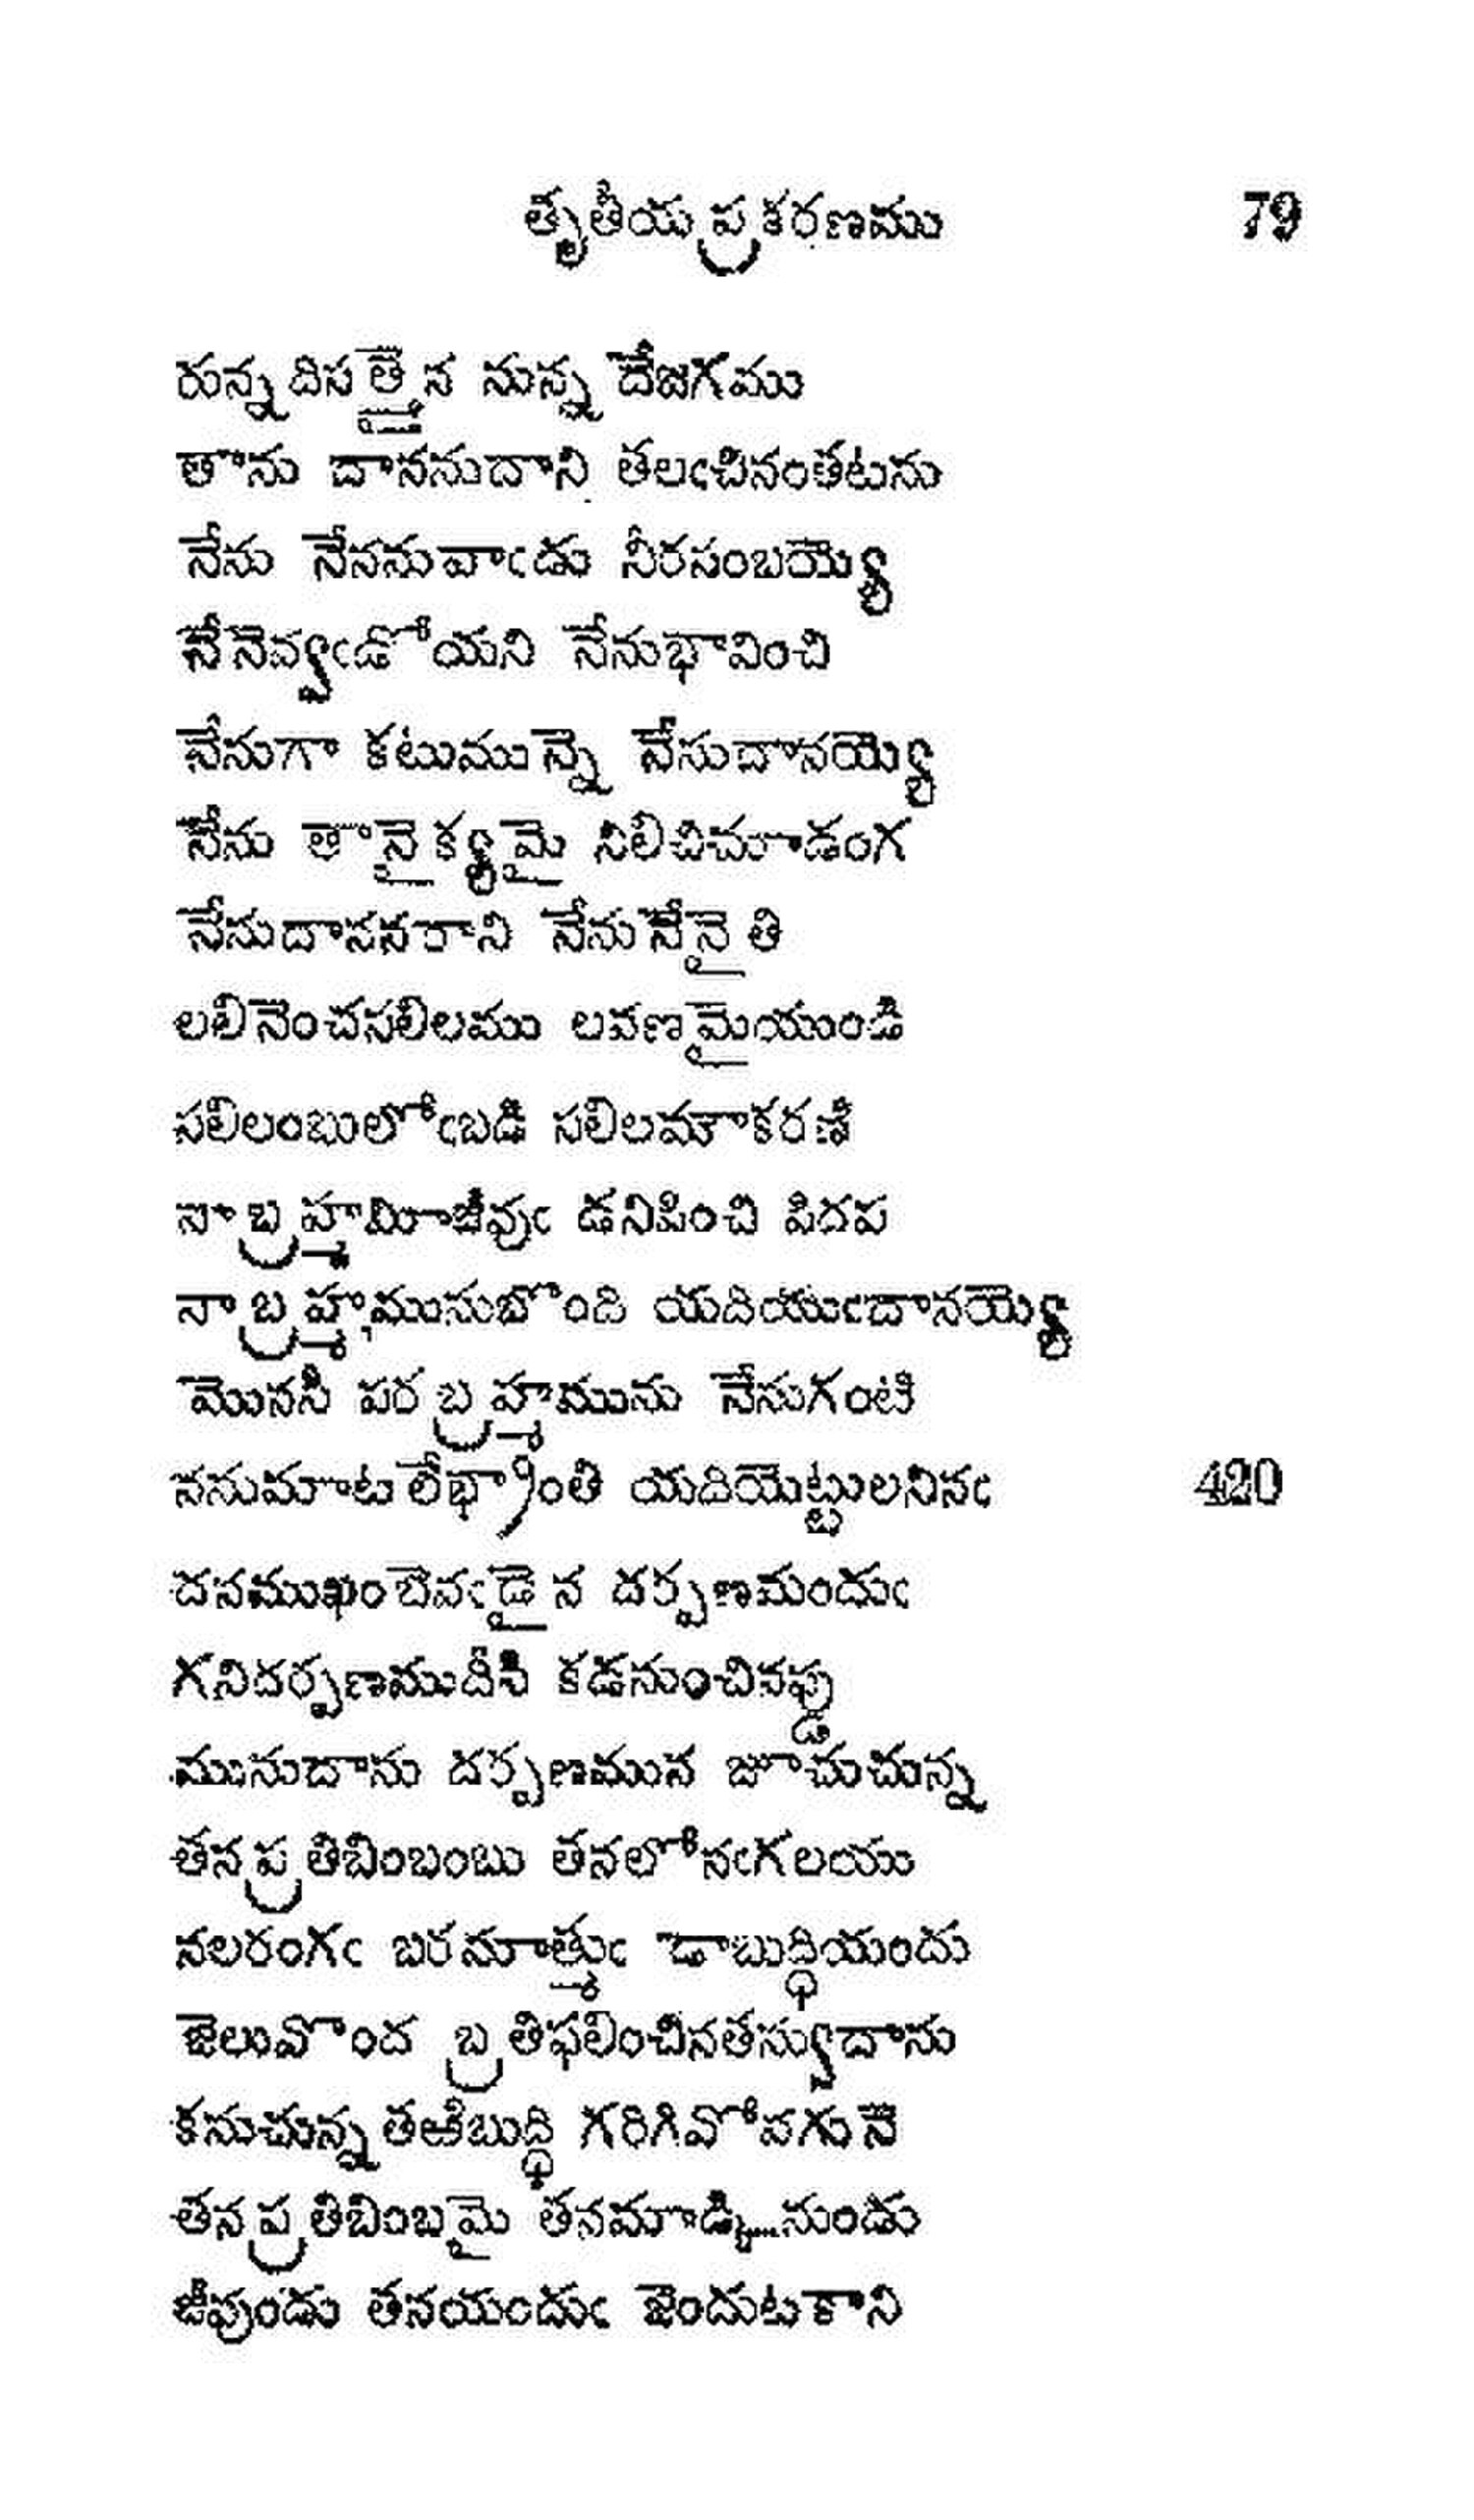రున్నదిసత్తైన నున్నదేజగము
తాను దాననుదాని తలఁచినంతటను
నేను నేననువాఁడు నీరసంబయ్యె
నేనెవ్వఁడోయని నేను భావించి
నేనుగా కటుమున్నె నేనుదానయ్యె
నేను తానైక్యమై నిలిచిచూడంగ
నేనుదాననరాని నేనునేనైతి
లలినెంచసలిలము లవణమైయుండి
సలిలంబులోఁబడి సలిలమౌకరణి
నాబ్రహ్మ మీజీవుఁ డనిపించి పిదప
నాబ్రహ్మమును బొంది యదియుఁదానయ్యె
మొనసి పరబ్రహ్మమును నేనుగంటి
ననుమాట లేభ్రాంతి యదియెట్టులనినఁ 
దనముఖంబెవఁడైన దర్పణమందుఁ
గనిదర్పణముదీసి కడనుంచినప్డు
మునుదాను దర్పణమున జూచుచున్న
తనప్రతిబింబంబు తనలోనఁగలయు
నలరంగఁ బరమాత్ముఁ డాబుద్ధియందు
జెలువొంద బ్రతిఫలించినతన్వుదాను
కనుచున్న తఱిబుద్ధి గరిగివోవగునె
తనప్రతిబింబమై తనమాడ్కినుండు
జీవుండు తనయందుఁ జెందుటకాని